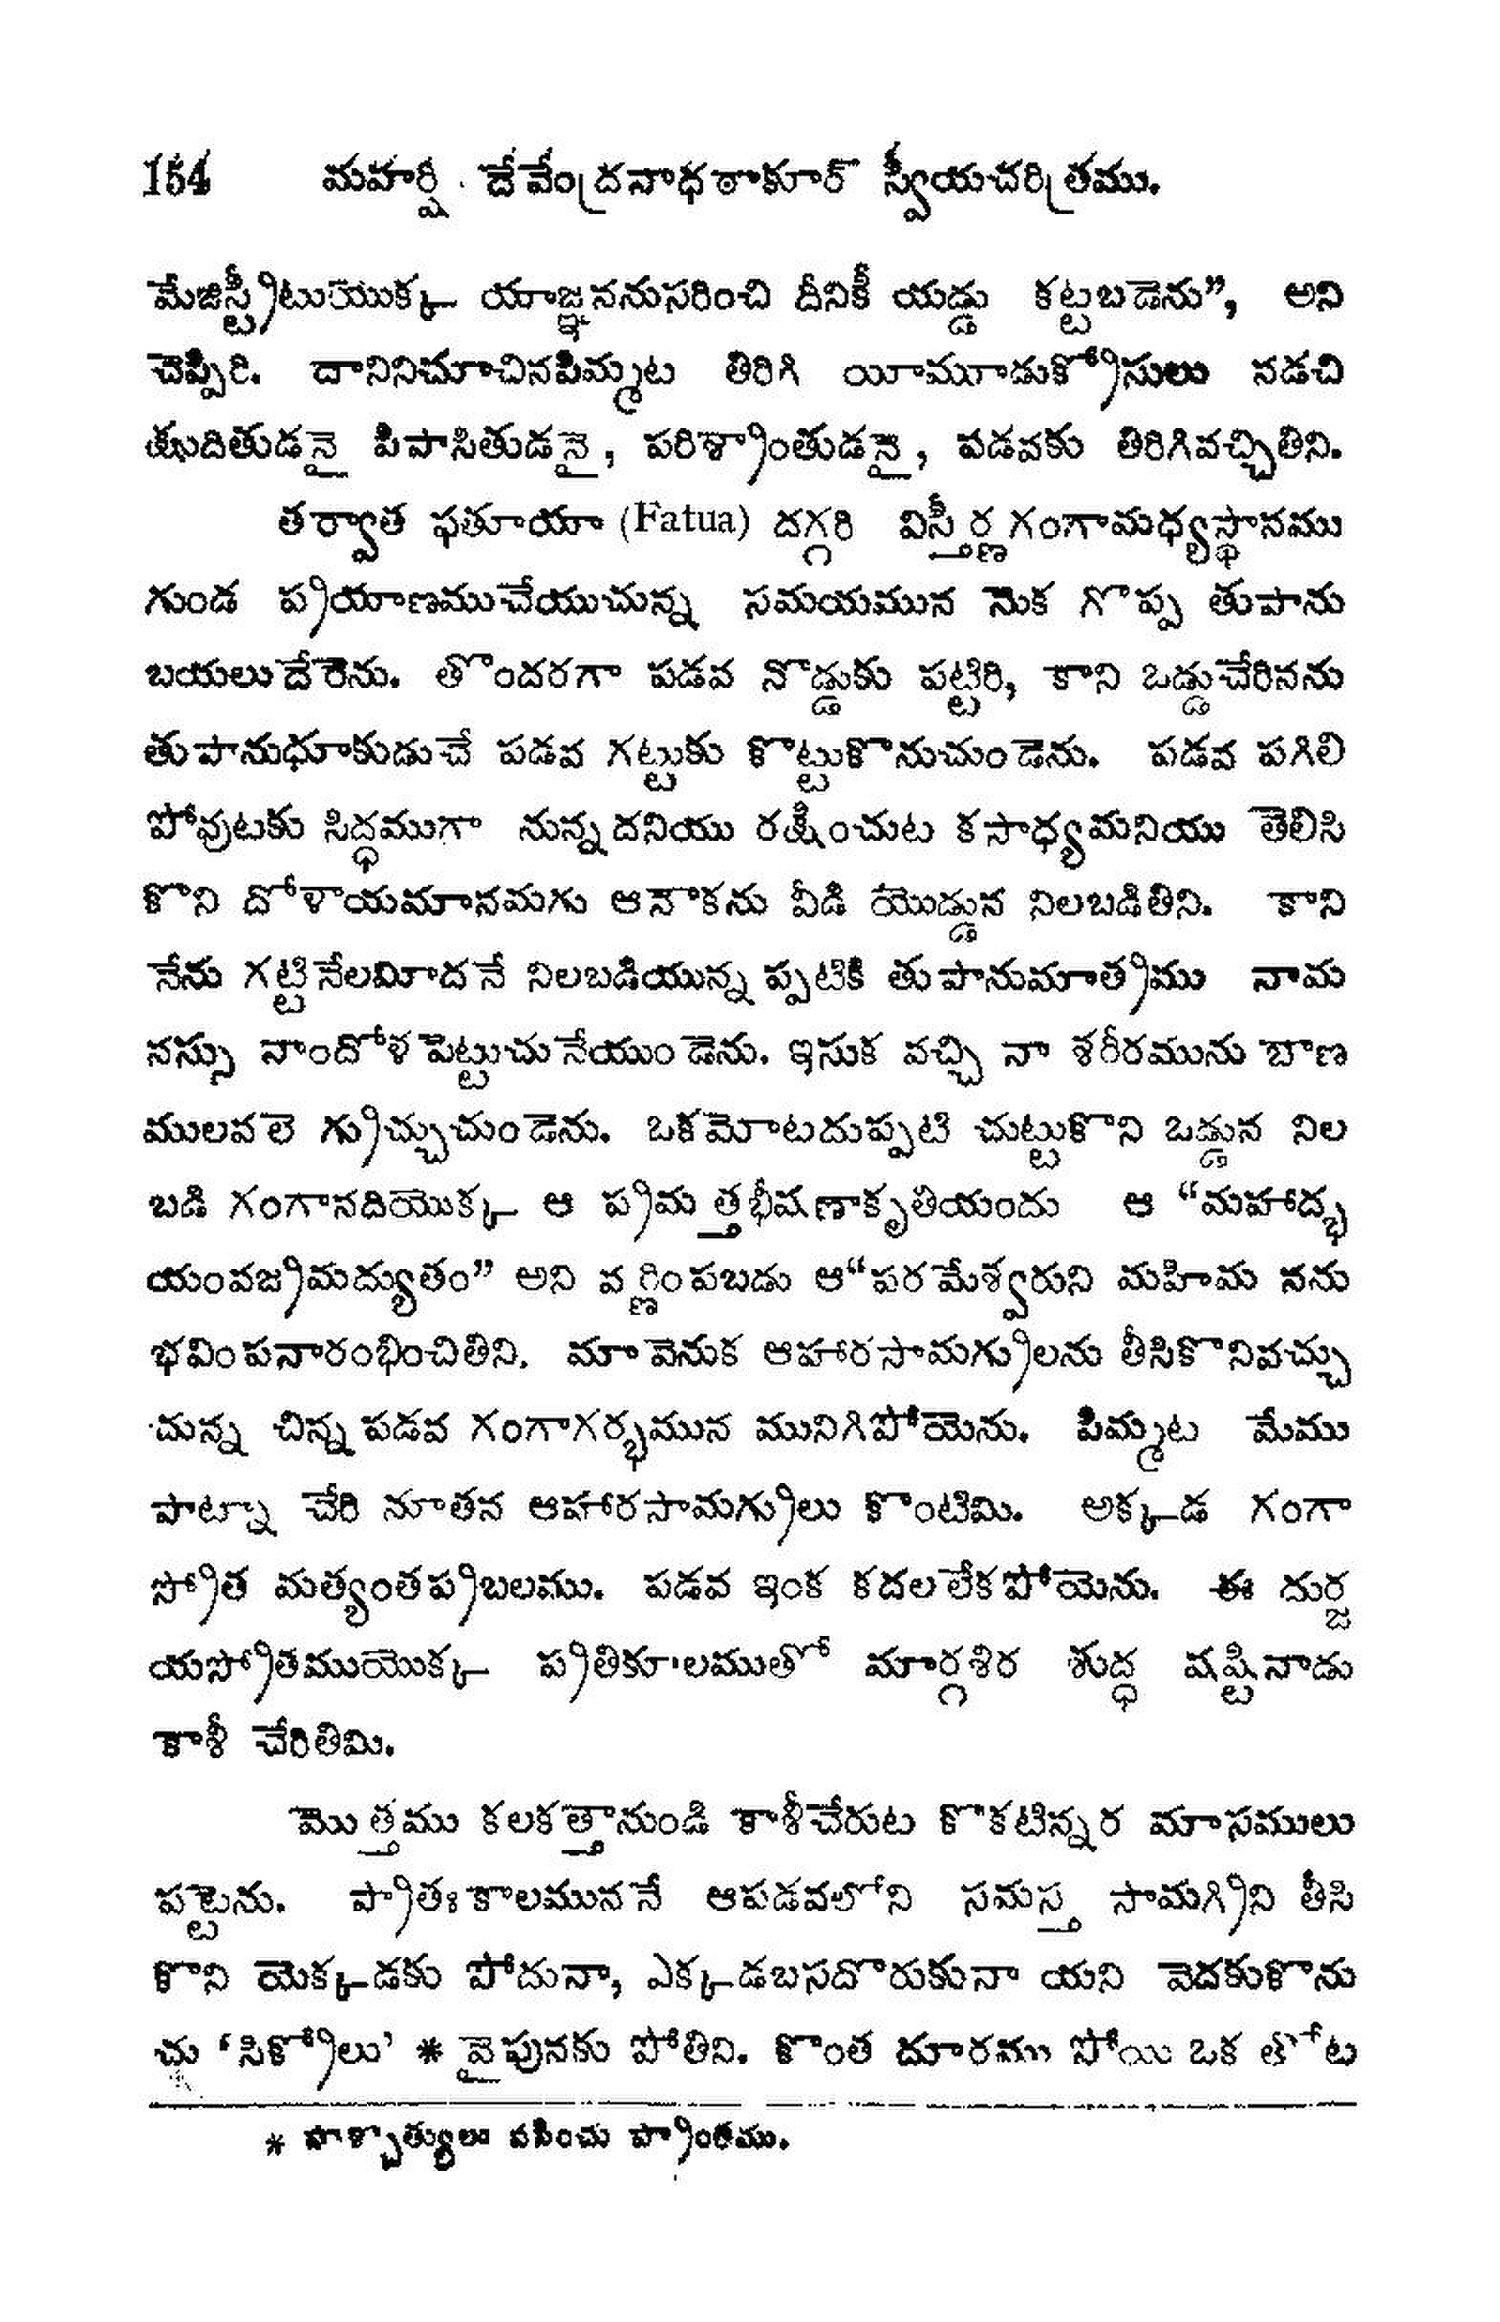మేజిస్ట్రీటు యొక్క యాజ్ఞననుసరించి దీనికీ యడ్డు కట్టబడెను”, అని
చెప్పిరి. దానిని చూచిన పిమ్మట తిరిగి యీమూడు కోసులు నడచి
క్షుదితుడనై పిపాసితుడనై , పరిశ్రాంతుడనై , పడవకు తిరిగివచ్చితిని,

తర్వాత ఫతూయా (Fatua) విస్తీర్ణ గంగా మధ్యస్థానము
గుండ ప్రయాణము చేయుచున్న సమయమున ఒక గొప్ప తుపాను
బయలు దేరెను. తొందరగా పడవ నొడ్డుకు పట్టిరి, కాని ఒడ్డు చేరినను
తుపానుధూకుడుచే పడవ గట్టుకు కొట్టుకొనుచుండెను. పడవ పగిలి
పోవుటకు సిద్ధముగా నున్న దనియు రక్షించుట కసాధ్యమనియు తెలిసి
కొని దోళాయమానమగు ఆ నౌకను వీడి యొడ్డున నిలబడి తిని,
నేను గట్టి నేలమీద నే నిలబడియున్న ప్పటికి తుపానుమాత్రము నామ
సస్సు సౌందోళ పెట్టుచు నేయుం డెను. ఇసుక వచ్చి నా శరీరమును బాణ
ములవలె గుచ్చుచుండెను. ఒక మోటదుప్పటి చుట్టుకొని ఒడ్డున నిల
బడి గంగానది యొక్క ఆ ప్రమత్త భీషణాకృతియందు ఆ “మహాద్భ
యంపజామద్యుతం” అని వర్ణింపబడు ఆ “పరమేశ్వరుని మహిమ నను
భవింపనారంభించితిని. మా వెనుక ఆహార సామగ్రులను తీసికొనివచ్చు
చున్న చిన్న పడవ గంగా గర్భమున మునిగిపోయెను. పిమ్మట మేము
పొట్నా చేరి నూతన ఆహార సామగ్రులు కొంటిమి. అక్కడ గంగా
స్రోత మత్యంతప్రబలము. పడవ ఇంక కదల లేకపోయెను. ఈ దుర్ఘ
యస్రోతము యొక్క ప్రతికూలముతో మార్గశిర శుద్ధ షష్టినాడు
కాశీ చేరితిమి.

మొత్తము కలకత్తానుండి కాశీ చేరుట కొకటిన్నర మాసములు
పట్టెను. ప్రాతః కాలముననే ఆపడవలోని సమస్త సామగ్రిని తీసి
కొని యెక్కడకు పోదునా, ఎక్కడ బసదొరుకునా యని వెదకుకొను
చు 'సిక్రోలు' * వైపునకు పోతిని. కొంత దూరము పోయి ఒక తోట